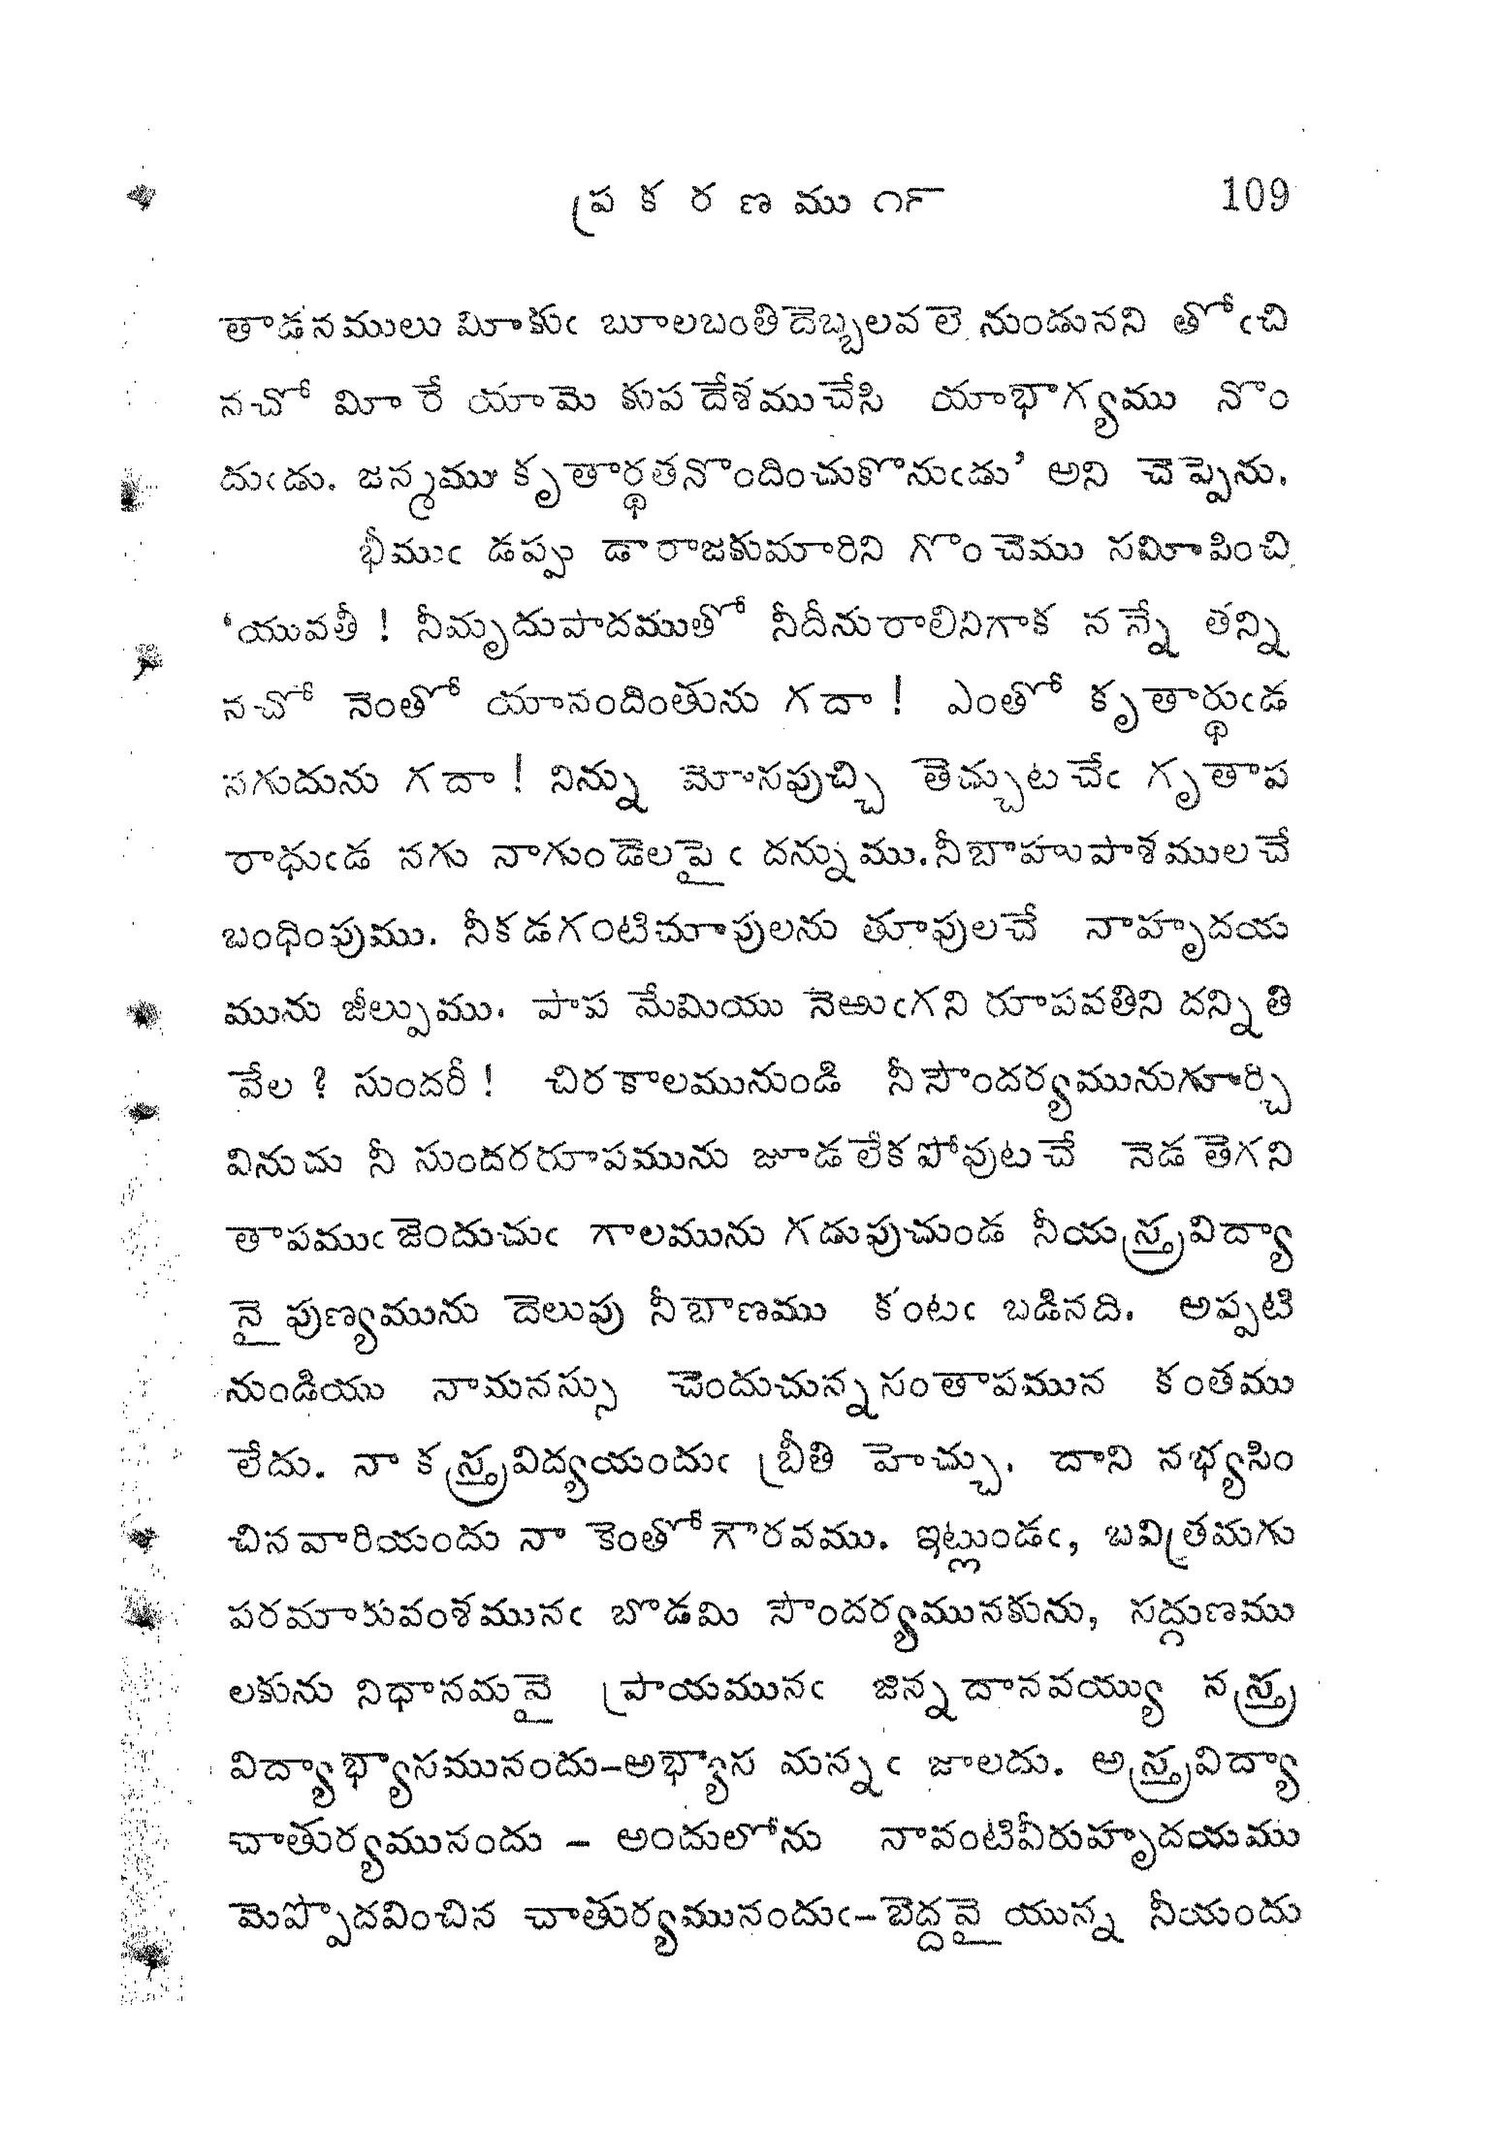తాడనములు మూకుఁ బూలబంతి దెబ్బలవ లె నుండునని తోఁచి నచో మీ రే యామె కుప దేశము చేసి యాభాగ్యము నొం దుఁడు.జన్మము కృతార్థతనొందించుకొనుఁడు' అని చెప్పెను,

భీముఁ డప్పు డా రాజకుమారిని గొంచెము సమీపించి 'యువతీ ! నీ మృదుపాదముతో నీదీనురాలినిగాక నన్నే తన్ని నచో నెంతో యానందింతును గదా ! ఎంతో కృతార్థుఁడ 'సగుదును గదా ! నిన్ను మోసపుచ్చి తెచ్చుట చేఁ గృతాప రాధుఁడ నగు నాగుండెలపై ఁ దన్నుము. నీ బాహు పాశముల చే బంధింపుము. నీకడగంటి చూపులను తూపులచే నాహృదయ మును జీల్పుము. పాప మేమియు నెఱుఁగని రూపవతిని దన్ని తి వేల ! సుందరీ ! చిర కాలమునుండి నీ సౌందర్యమునుగూర్చి వినుచు నీ సుందర రూపమును జూడ లేకపోవుటచే నెడ తెగని తాపముఁ జెందుచుఁ గాలమును గడుపుచుండ నీయస్త్ర విద్యా నై పుణ్యమును దెలుపు నీ బాణము కంటఁ బడినది. అప్పటి నుండియు నామనస్సు చెందుచున్నసం తాపమున కంతము లేదు. నా కస్త్ర విద్యయందుఁ బ్రీతి హెచ్చు. దాని నభ్యసిం చిన వారియందు నా కెంతో గౌరవము. ఇట్లుండఁ, బవిత్రమగు పరమారువంశమునఁ బొడమి సౌందర్యమునకును, సద్గుణము లకును నిధానమనై ప్రాయమునఁ జిన్న దానవయ్యు నస్త్ర విద్యాభ్యాసమునందు-అభ్యాస మన్నఁ జాలదు. అస్త్ర విద్యా చాతుర్యమునందు - అందులోను నావంటి వీరుహృదయము మెప్పొదవించిన చాతుర్యమునందుఁ- పెద్దనై యున్న నీయందు